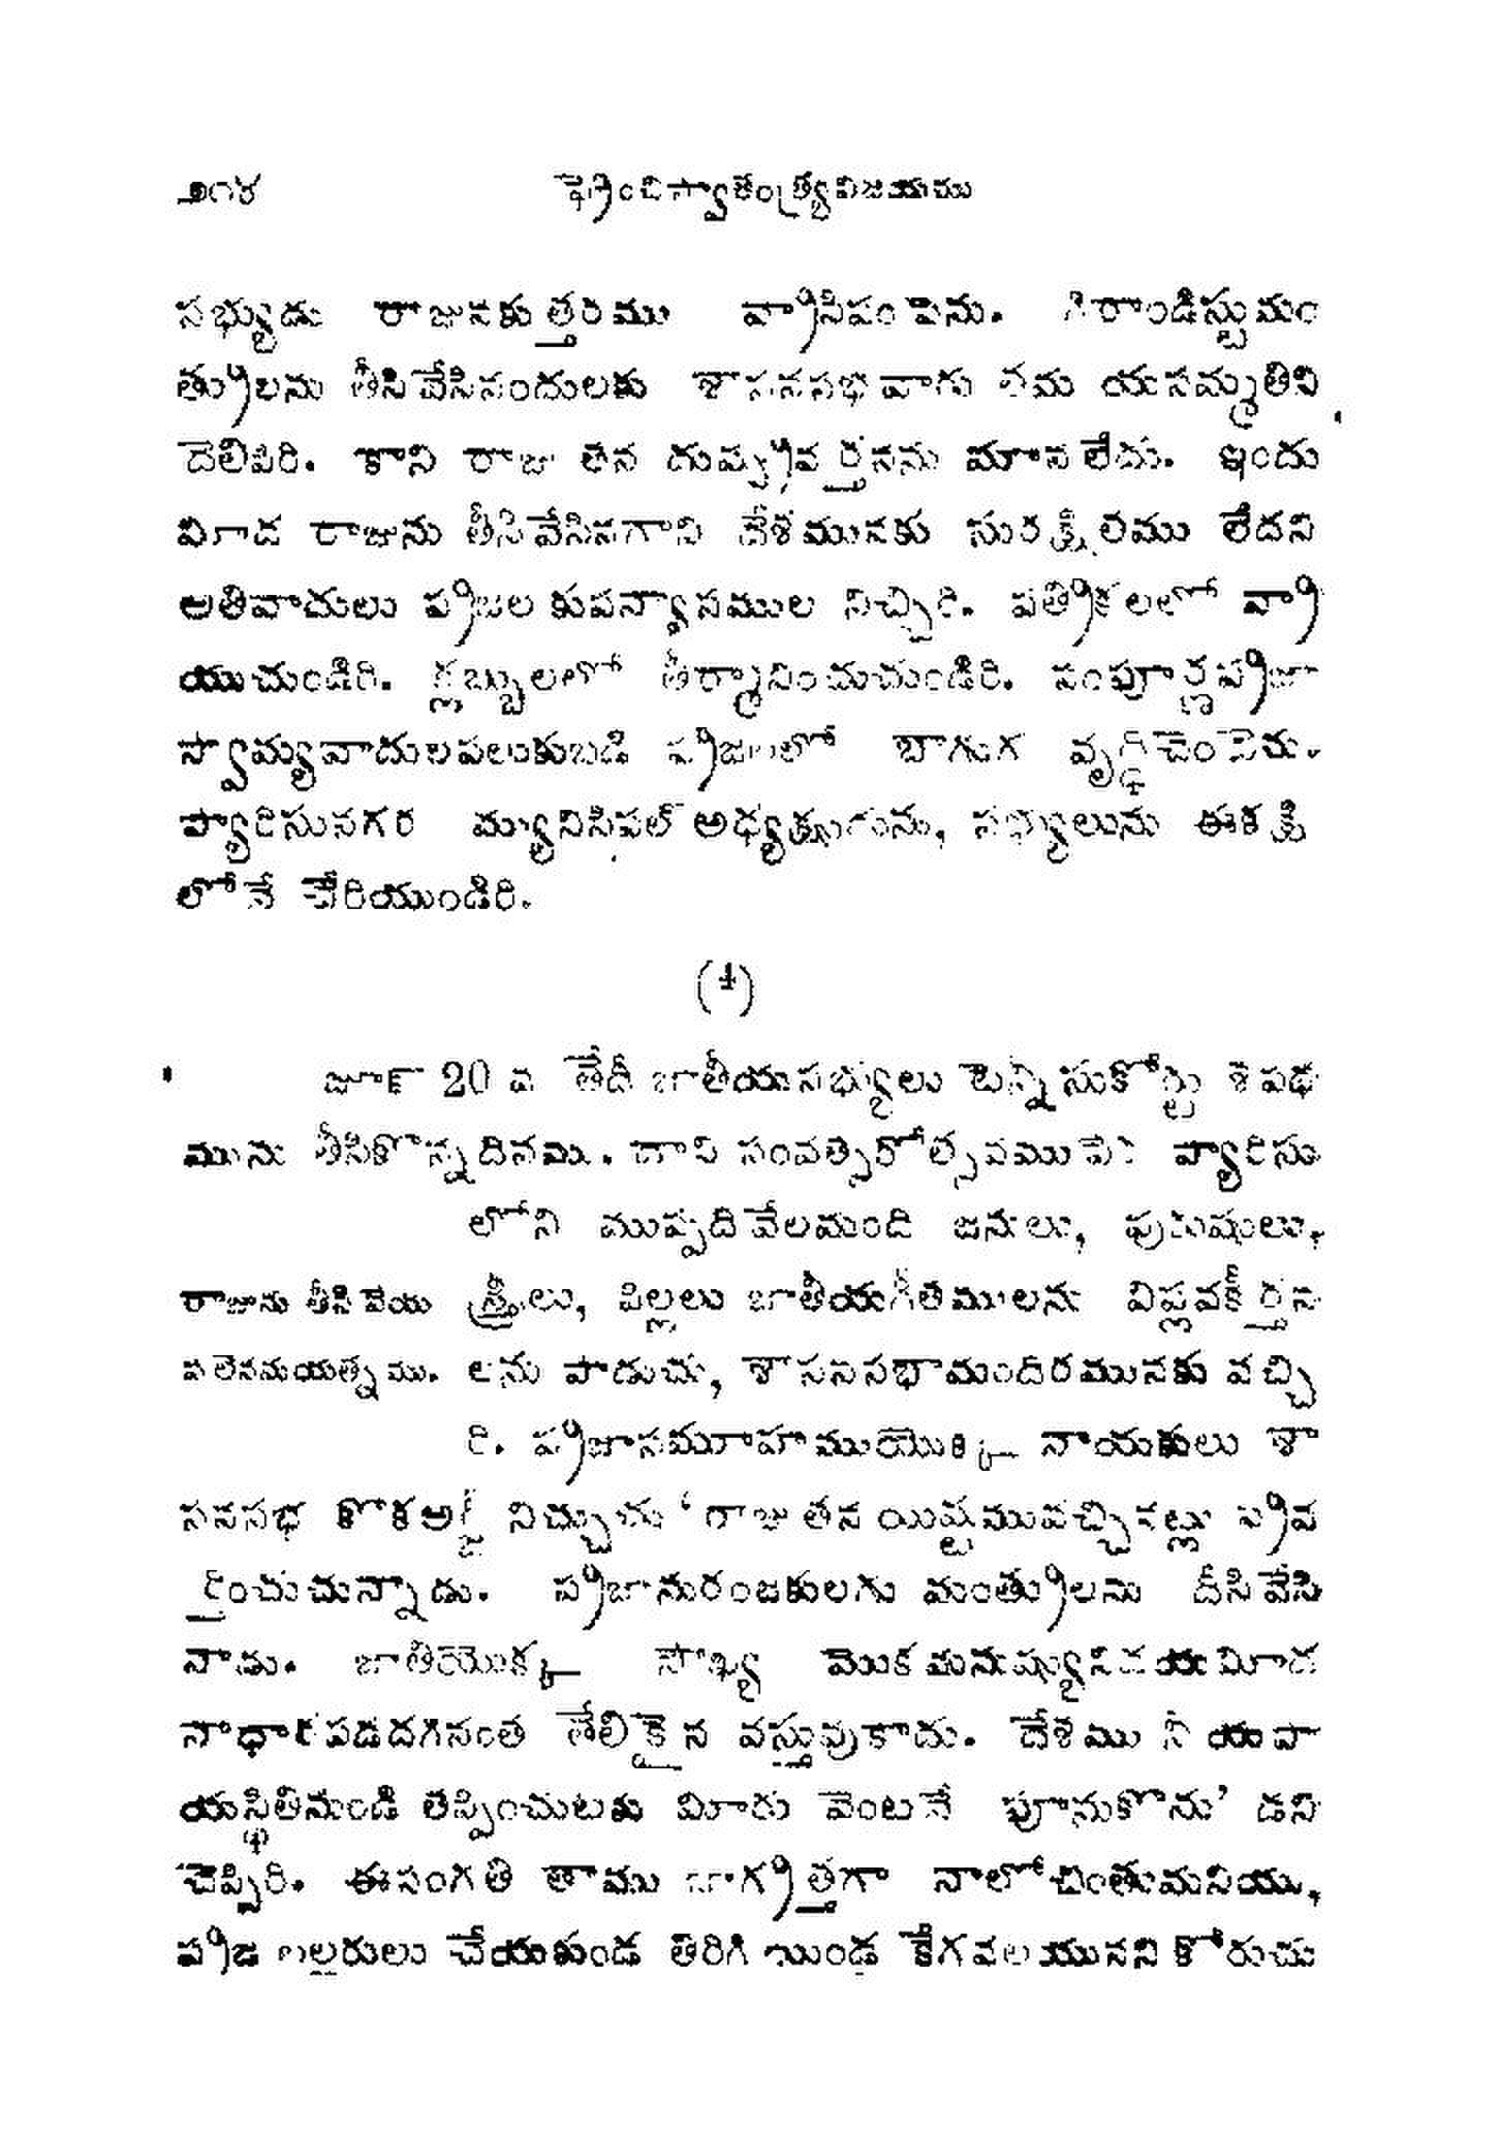సభ్యుడు రాజునకుత్తరము వ్రాసిపంపెను. రాండిస్టుమంత్రులను 
తీసి వేసినందులకు శాసనసభ వారు తమ యసమ్మతిని,
దెలిపిరి. కాని రాజు తన దుష్ప్రవర్తనను మాన లేదు. ఇందు
మీద రాజును తీసి వేసిన గానీ దేశమునకు సురక్షితము లేదని
అతివాదులు ప్రజల కుపన్యాసముల నిచ్చిరి. పత్రికలలో వ్రా
యుచుండిరి. క్లబ్బులలో తీర్మానించుచుండిరి. సంపూర్ణ ప్రజా
స్వామ్య వాదుల పలుకుబడి ప్రజలలో బాగుగ వృద్ధి చెందెను,
ప్యారిసుసగర మ్యునిసిపల్ అధ్యక్షుడును, సభ్యులును ఈ కక్షి
లోనే చేరియుండిరి.

రాజును తీసి వేయ
వలెనను యత్నము.

జూన్ 20 వ తేదీ జాతీయ సభ్యులు టెన్నిసుకోర్టు శపదమును 
తీసికొన్న దినము. . 'దాని సంవత్సరోత్సవము పేర ప్యారిసు
లోని ముప్పది వేలమంది జనులు, పురుషులు, స్త్రీలు, పిల్లలు జాతీయ 
గీతములను, విప్లవ కీర్తనలు పాడుచు శాసన సభా మందిరమునకు వచ్చిరి. 
స్త్రీలు, పిల్లలు బాగా తీయగీతములను విప్లవకీర్తనలను 
పొడుచు, శాసని సభామందిరమునకు వచ్చిరి.
ప్రజాసమూహము యొక్క - నాయకులు శాశన
సభ కొక అర్జీ నిచ్చుచు ' రాజు తన యిష్టము వచ్చినట్లు ప్రవర్తిం
చుచున్నాడు. ప్రజా నురంజకులగుమంత్రులను దీసి వేసినాడు.
జాతి యొక్క సౌఖ్య మొక మనుష్యని దయ మీద
నాధార పడదగినంత తేలికైన వస్తువు కాదు. దేశము నీ యపా
య స్థితి నుండి తప్పించుటకు వారు వెంటనే పూనుకొను' డని'
చెప్పిరి. ఈ సంగతి తాము జాగ్రత్తగా నాలో చింతు మనియు,
ప్రజలల్లరులు చేయకుండ తిరిగి యండ్ల కేగవలయునని కోరుచు